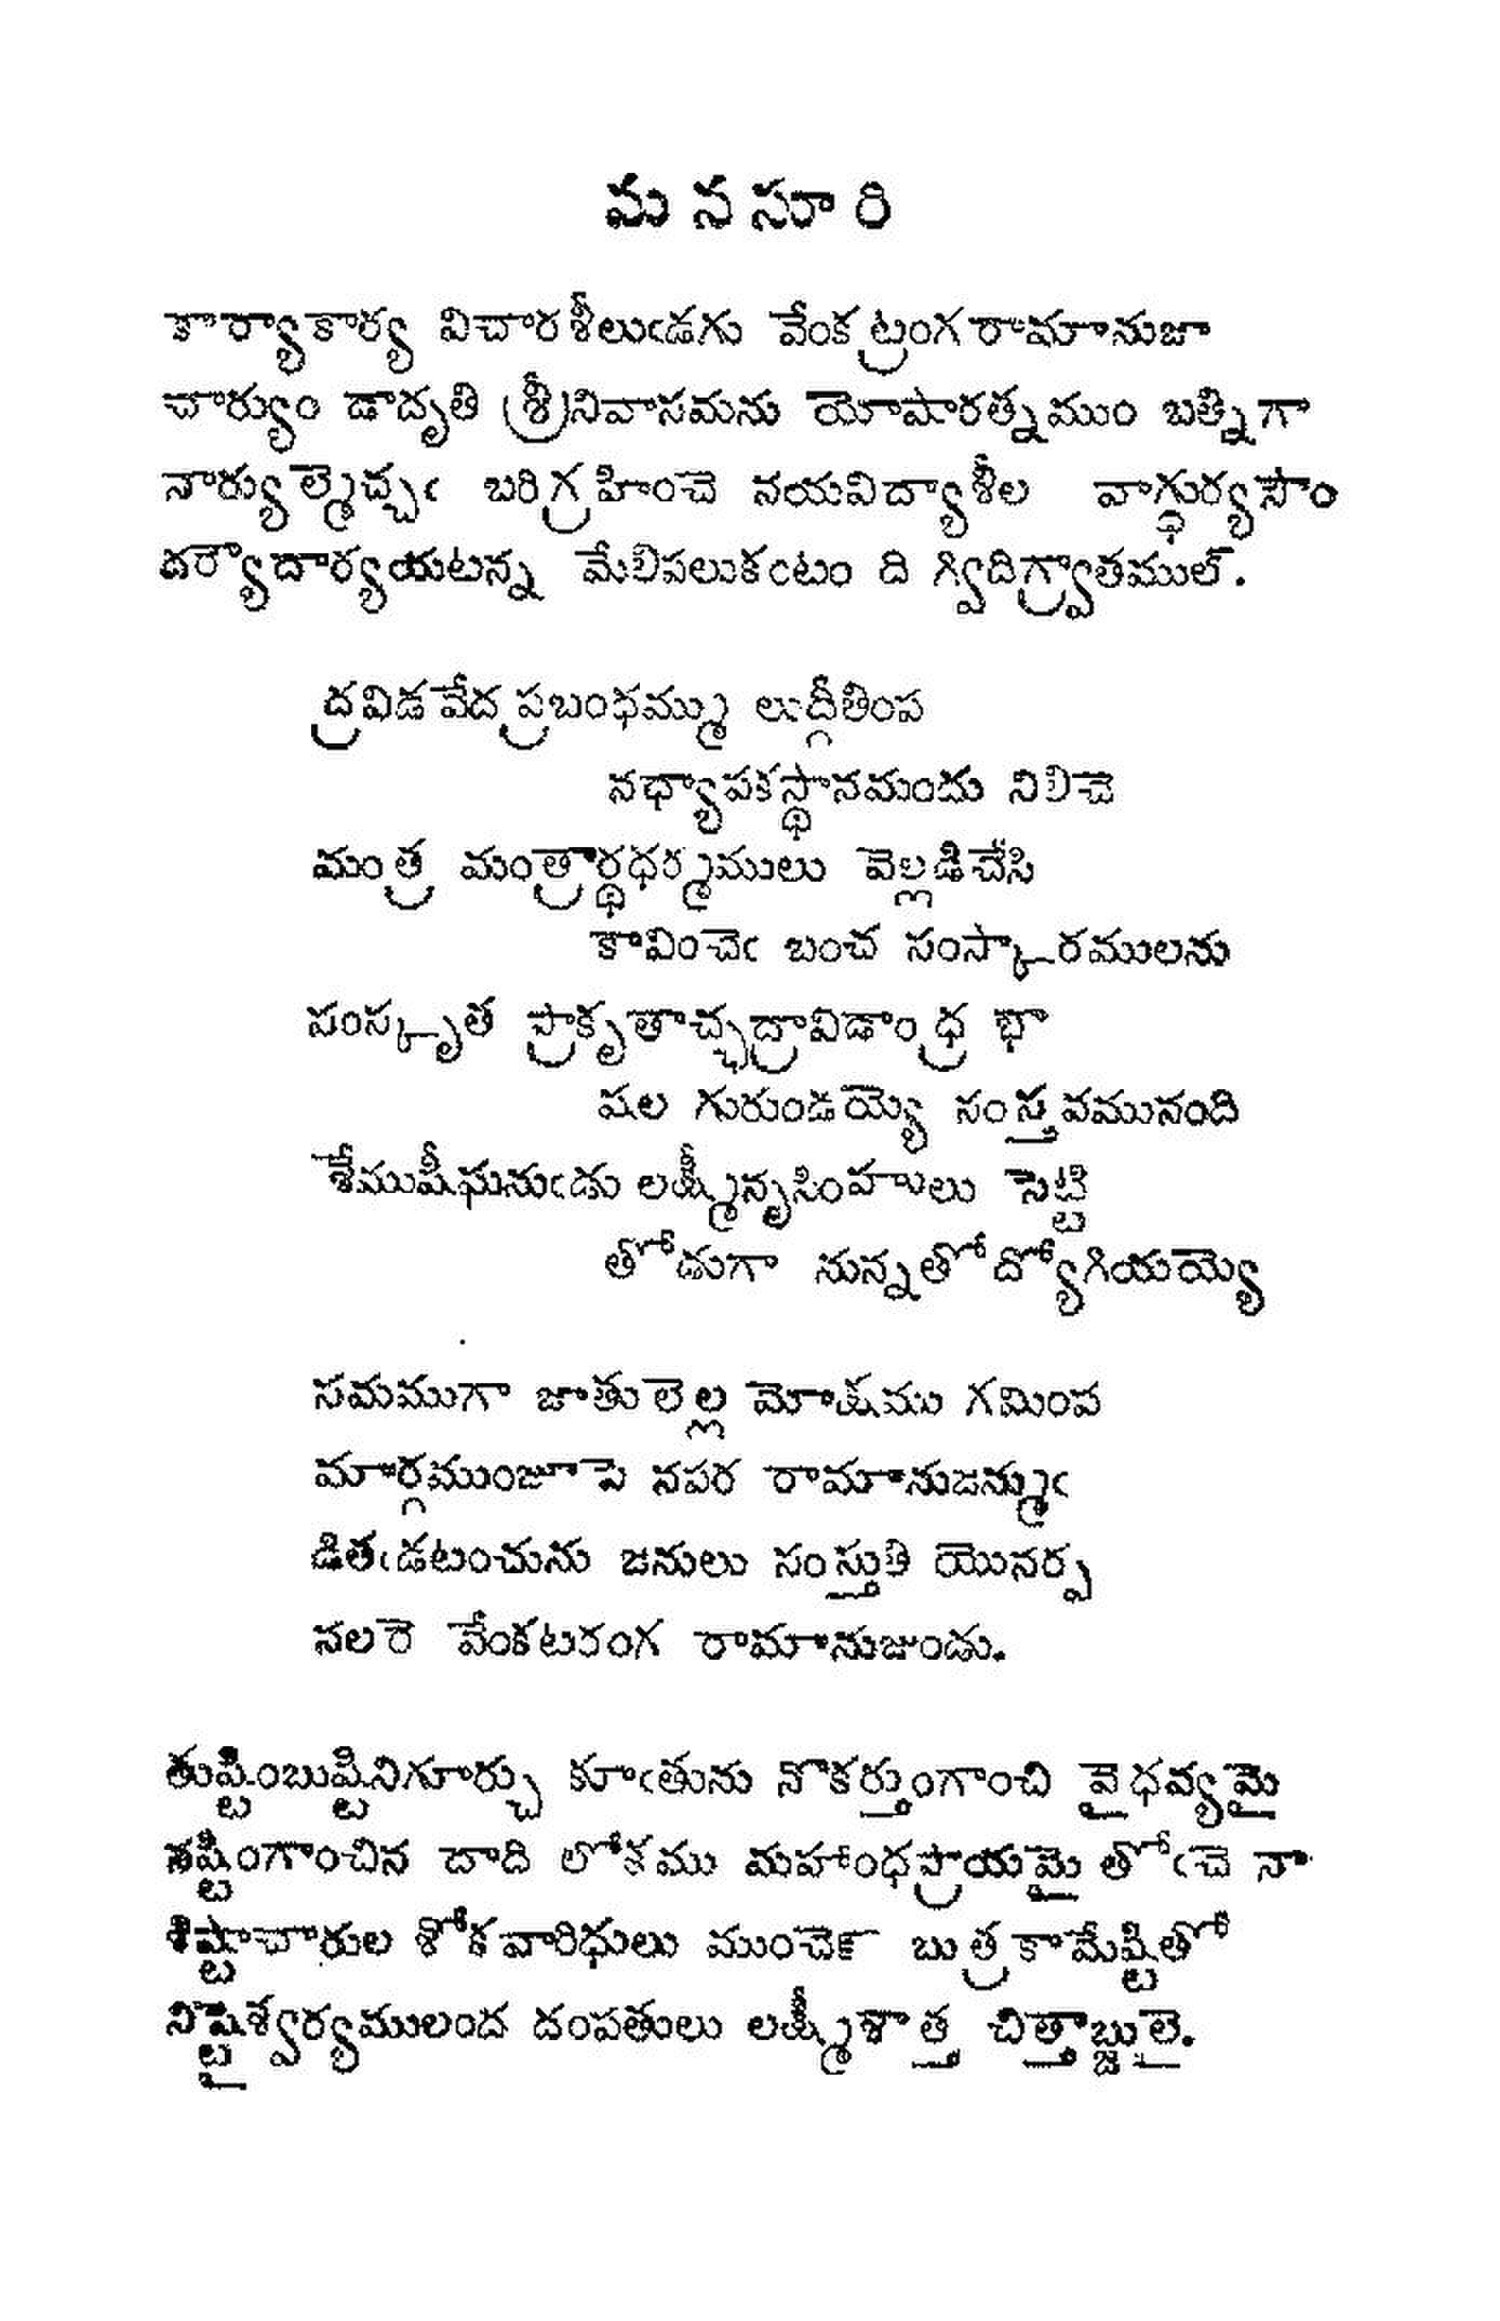మనసూరి

కార్యాకార్య విచారశీలుఁడగు వేంకట్రంగరామానుజా 
చార్యుం డాదృతి శ్రీనివాసమను యోషారత్నముం బత్నిగా 
నార్యుల్మెచ్చఁ బరిగ్రహించె నయవిద్యాశీల వాగ్ధుర్యసౌం 
దర్యౌదార్యయటన్న మేలిపలుకంటం ది గ్విదిగ్ర్వాతముల్. 

ద్రవిడవేదప్రబంధమ్ము లుద్గీతింప
 నధ్యాపకస్థానమందు నిలిచె 
మంత్ర మంత్రార్థధర్మములు వెల్లడిచేసి
 కావించెఁ బంచ సంస్కారములను 
సంస్కృత ప్రాకృతాచ్ఛద్రావిడాంధ్ర భా
 షల గురుండియ్యె సంస్తవమునంది 
శేముషీఘనుఁడు లక్మీనృసింహులు సెట్టి
 తోడుగా నున్నతోద్యోగియయ్యె 

సమముగా జూతులెల్ల మోక్షము గమింప 
మార్గముంజూపె నపర రామానుజన్ముఁ 
డితఁడటంచును జనులు సంస్తుతి యొనర్ప
నలరె వేంకటరంగ రామానుజుండు. 

తుష్టింబుష్టినిగూర్చు కూఁతును నొకర్తుంగాంచి వైధవ్యమై 
నష్టింగాంచిన దాది లోకము మహాంధప్రాయమై తోఁచె నా 
శిష్టాచారుల శోకవారిధులు ముంచె౯ బుత్రకామేష్టితో 
నిష్టైశ్వర్యములంద దంపతులు లక్ష్మీశాత్త చిత్తాబ్జులై.